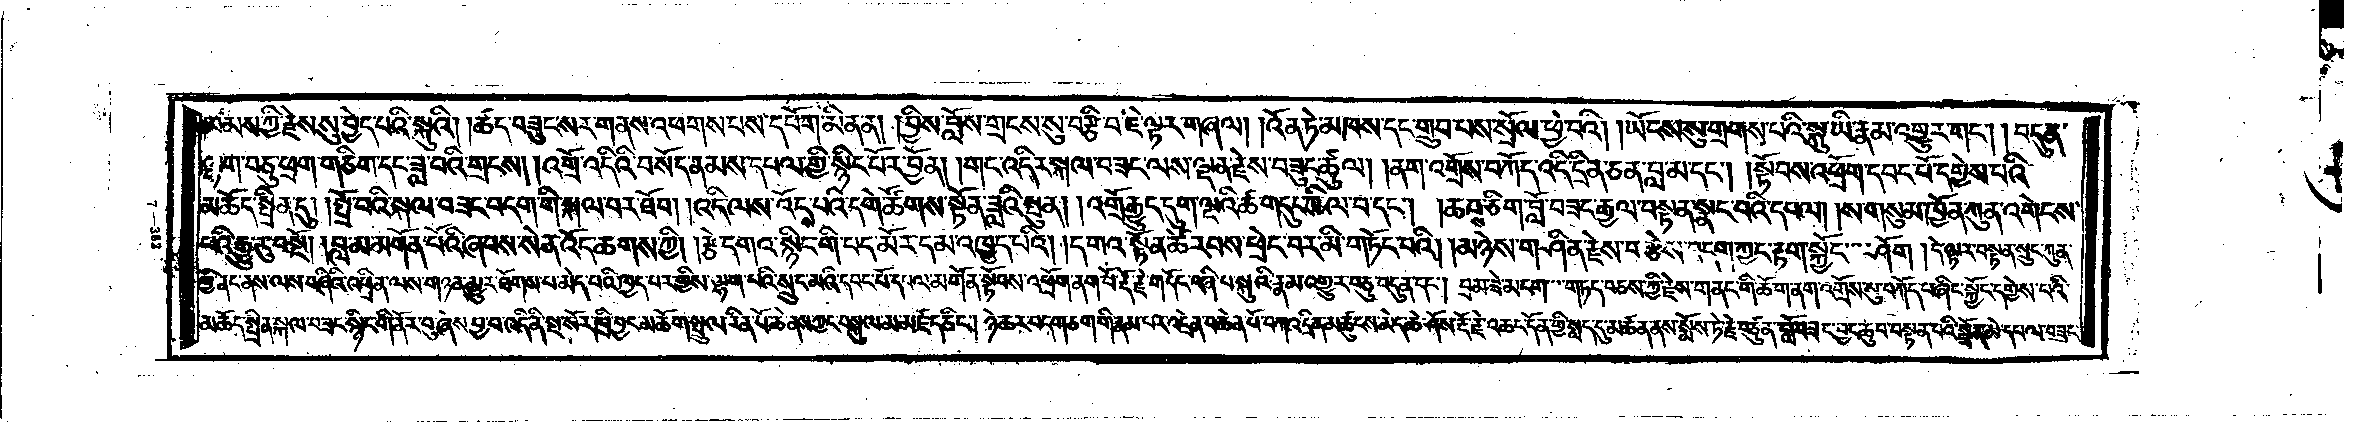ཁམས་ཀྱི་རྗེས་སུ་བྱེད་པའི་སྐུའི། །ཚད་བཟུང་སར་གནས་འཕགས་པས་དཔོག་མིན་ན། །བྱིས་བློས་གྲངས་སུ་བརྩི་བ་ཇི་ལྟར་གཞལ། །འོན་ཏེ་མཁས་དང་གྲུབ་པས་སྲོལ་ཕྱེ་བའི། །ཡོངས་སུ་གྲགས་པའི་སྐུ་ཡི་རྣམ་འགྱུར་གང་། །བདུན་
ལྷག་བཅུ་ཕྲག་གཅིག་དང་ཟླ་བའི་གྲངས། །འགྲོ་འདིའི་བསོད་ནམས་དཔལ་གྱི་སྙིང་པོར་བྱོན། །གང་འདིར་སྐལ་བཟང་ལས་ལྡན་རྗེས་བཟུང་ཚུལ། །ནག་འགྲོས་བཀོད་འདི་དྲིན་ཅན་བླ་མ་དང་། །སྟོབས་འཕྲོག་དབང་པོ་དགྱེས་པའི་
མཆོད་སྤྲིན་དུ། །སྤྲོ་བའི་སྐལ་བཟང་བདག་གི་སྐལ་བར་ཐོབ། །འདི་ལས་འོངས་པའི་དགེ་ཚོགས་སྟོན་ཟླའི་སྤུན། །འགྲོ་རྒྱུད་དུག་ལྔའི་ཚ་གདུང་བཅིལ་བ་དང་། །ཆབས་ཅིག་བློ་བཟང་རྒྱལ་བསྟན་སྣང་བའི་དཔལ། །ས་གསུམ་ཁྱོན་ཀུན་འགེངས་
པའི་རྒྱུ་རུ་བསྔོ། །བླ་མ་མགོན་པོའི་ཞབས་སེན་འོད་ཆགས་ཀྱི། །རྩེ་དགའ་སྙིང་གི་པད་མོར་དམ་འཁྱུད་པའི། །དགའ་སྟོན་ཚེ་རབས་ཕྲེང་བར་མི་གཏོང་བའི། །མ་ཉེས་གཤིན་རྗེས་བརྩེས་བདག་ཀྱང་རྟག་སྐྱོང་ཤོག །དེ་ལྟར་བསྟན་སྲུང་ཀུན་
གྱི་ནང་ནས་ལས་བཞིའི་འཕྲིན་ལས་གཉན་མྱུར་ཐོགས་པ་མེད་པའི་ཁྱད་པར་གྱིས་ལྷག་པའི་སྲུང་མའི་དབང་པོ་དཔལ་མགོན་སྟོབས་འཕྲོག་ནག་པོ་རྡོ་རྗེ་གདོང་བཞི་པ་སྐུའི་རྣམ་འགྱུར་བཅུ་བདུན་དང་། བྲམ་ཟེ་མངག་གཏད་བཅས་ཀྱི་རྗེས་གནང་གི་ཆོ་ག་ནག་འགྲོས་སུ་བཀོད་པ་ཞིང་སྐྱོང་དགྱེས་པའི་
མཆོད་སྤྲིན་སྐལ་བཟང་སྙིང་གི་ནོར་བུ་ཞེས་བྱ་བ་འདི་ནི་སྔ་སོར་ཁྲི་བྱང་མཆོག་སྤྲུལ་རིན་པོ་ཆེ་ནས་ཀྱང་བསྐུལ་མ་མཛད་ཅིང་། ཉེ་ཆར་བདག་ཅག་གི་རྣམ་པར་འདྲེན་པ་ཆེན་པོ་བཀའ་དྲིན་མཚུངས་མེད་ཆེ་ཤོས་རྡོ་རྗེ་འཆང་དོན་གྱི་སླད་དུ་མཚན་ནས་སྨོས་ཏེ་རྗེ་བཙུན་ངག་དབང་བྱང་ཆུབ་བསྟན་པའི་སྒྲོན་མེ་དཔལ་བཟང་